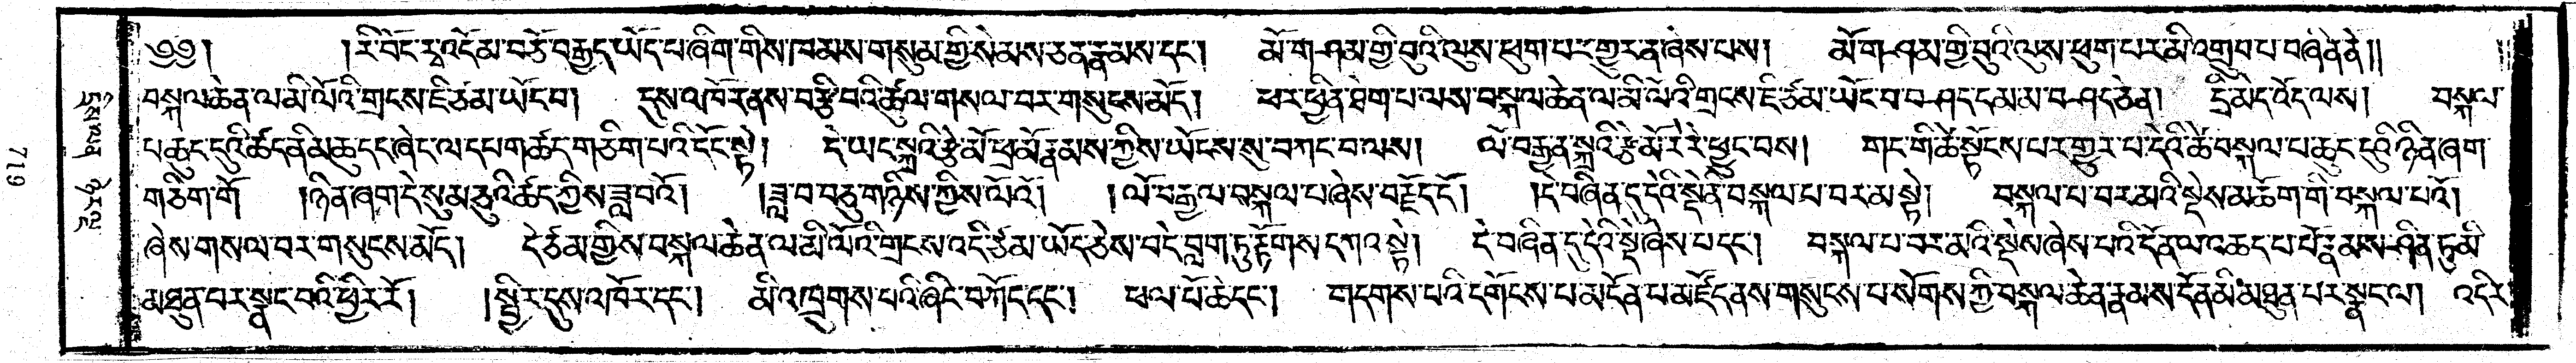༄༅། །རི་བོང་རྭ་འདོམ་བཅོ་བརྒྱད་ཡོད་པ་ཞིག་གིས་ཁམས་གསུམ་གྱི་སེམས་ཅན་རྣམས་དང་། མོ་གཤམ་གྱི་བུའི་ལུས་ཕུག་བར་གྱུར་ན་ཞེས་པས། མོ་གཤམ་གྱི་བུའི་ལུས་ཕུག་པར་མི་འགྲུབ་པ་བཞིན་ནོ།། །།
བསྐལ་ཆེན་ལ་མི་ལོའི་གྲངས་ཇི་ཙམ་ཡོད་པ། དུས་འཁོར་ནས་བརྩི་བའི་ཚུལ་གསལ་བར་གསུངས་མོད། ཕར་ཕྱིན་ཐེག་པ་ལས་བསྐལ་ཆེན་ལ་མི་ལོའི་གྲངས་ཇི་ཙམ་ཡོད་བ་བཤད་དམ་མ་བཤད་ཅེན། དྲི་མེད་འོད་ལས། བསྐལ་
པ་ཆུང་དུའི་ཚད་ནི་མཆུ་དང་ཞེང་ལ་དཔག་ཚད་གཅིག་པའི་དོང་སྟེ། དེ་ཡང་སྐྲའི་རྩེ་མོ་ཕྲ་མོ་རྣམས་ཀྱིས་ཡོངས་སུ་བཀང་བ་ལས། ལོ་བརྒྱན་སྐྲའི་རྩེ་མོ་རེ་རེ་ཕྱུང་པས། གང་གི་ཚེ་སྟོངས་པར་གྱུར་པ་དེའི་ཚེ་བསྐལ་བ་ཆུང་ངུའི་ཉིན་ཞག་
གཅིག་གོ །ཉིན་ཞག་དེ་སུམ་ཅུའི་ཚད་ཀྱིས་ཟླ་བའོ། །ཟླ་བ་བཅུ་གཉིས་ཀྱིས་ལོའོ། །ལོ་བརྒྱལ་བསྐལ་བ་ཞེས་བརྗོད་དོ། །དེ་བཞིན་དུ་དེའི་སྡེ་ནི་བསྐལ་པ་བར་མ་སྟེ། བསྐལ་པ་བར་མའི་སྡེས་མཆོག་གི་བསྐལ་བའོ། །
ཞེས་གསལ་བར་གསུངས་མོད། དེ་ཙམ་གྱིས་བསྐལ་ཆེན་ལ་མི་ལོའི་གྲངས་འདི་ཙམ་ཡོད་ཅེས་བདེ་བླག་ཏུ་རྟོགས་དཀའ་སྟེ། དེ་བཞིན་དུ་དེའི་སྡེ་ཞེས་པ་དང་། བསྐལ་པ་བར་མའི་སྡེས་ཞེས་པའི་དོན་ལ་འཆད་པ་པོ་རྣམས་ཤིན་ཏུ་མི་
མཐུན་པར་སྣང་བའི་ཕྱིར་རོ། །སྦྱིར་དུས་འཁོར་དང་མི་འཁྲུགས་པའི་ཞིང་བཀོད་དང་། ཕལ་པོ་ཆེ་དང་། གདགས་པའི་དགོངས་པ་མངོན་པ་མཛོད་ནས་གསུངས་པ་སོགས་ཀྱི་བསྐལ་ཆེན་རྣམས་དོན་མི་མཐུན་པར་སྣང་ལ། འདིར་